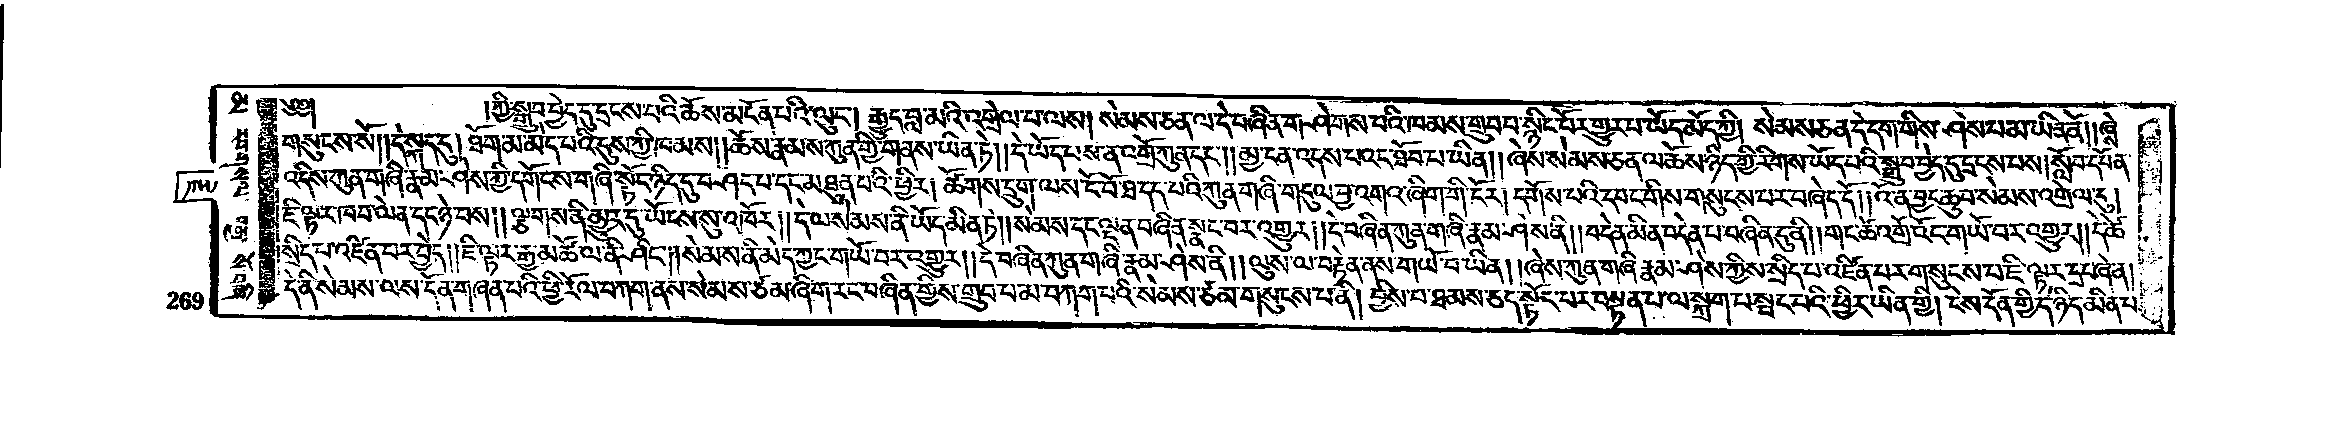༄༅། །ཀྱི་སྒྲུབ་བྱེད་དུ་དྲངས་པའི་ཆོས་མངོན་པའི་ལུང་། རྒྱུད་བླ་མའི་འགྲེལ་པ་ལས། སེམས་ཅན་ལ་དེ་བཞིན་གཤེགས་པའི་ཁམས་གྲུབ་པ་སྙིང་པོར་གྱུར་པ་ཡོད་མོད་ཀྱི། སེམས་ཅན་དེ་དག་གིས་ཤེས་པ་མ་ཡིན་ནོ། །ཞེས་
གསུངས་སོ། །དེ་སྐད་དུ། ཐོག་མ་མེད་པའི་དུས་ཀྱི་ཁམས། །ཆོས་རྣམས་ཀུན་གྱི་གནས་ཡིན་ཏེ། །དེ་ཡོད་པས་ན་འགྲོ་ཀུན་དང་། །མྱ་ངན་འདས་པའང་ཐོབ་པ་ཡིན། །ཞེས་སེམས་ཅན་ལ་ཆོས་ཉིད་ཀྱི་རིགས་ཡོད་པའི་སྒྲུབ་བྱེད་དུ་དྲངས་པས། སློབ་དཔོན་
འདིས་ཀུན་གཞི་རྣམ་ཤེས་ཀྱི་དགོངས་གཞི་སྟོང་ཉིད་དུ་བཤད་པ་དང་མཐུན་པའི་ཕྱིར། ཚོགས་དྲུག་ལས་ངོ་བོ་ཐ་དད་པའི་ཀུན་གཞི་གདུལ་བྱ་འགའ་ཞིག་གི་ངོར། དགོས་པའི་དབང་གིས་གསུངས་པར་བཞེད་དོ། །འོ་ན་བྱང་ཆུབ་སེམས་འགྲེལ་དུ།
ཇི་ལྟར་ཁབ་ལེན་དང་ཉེ་བས། །ལྕགས་ནི་མྱུར་དུ་ཡོངས་སུ་འཁོར། །དེ་ལ་སེམས་ནི་ཡོད་མིན་ཏེ། །སེམས་དང་ལྡན་བཞིན་སྣང་བར་འགྱུར། །དེ་བཞིན་ཀུན་གཞི་རྣམ་ཤེས་ནི། །བདེན་མིན་བདེན་པ་བཞིན་དུ་ནི། །གང་ཚེ་འགྲོ་འོང་གཡོ་བར་འགྱུར། །དེ་ཚེ་
སྲིད་པ་འཛིན་པར་བྱེད། །ཇི་ལྟར་རྒྱ་མཚོ་ལ་ནི་ཤིང་། །སེམས་ནི་མེད་ཀྱང་གཡོ་བར་འགྱུར། །དེ་བཞིན་ཀུན་གཞི་རྣམ་ཤེས་ནི། །ལུས་ལ་བརྟེན་ནས་གཡོ་བ་ཡིན། །ཞེས་ཀུན་གཞི་རྣམ་ཤེས་ཀྱིས་སྲིད་པ་འཛིན་པར་གསུངས་པ་ཇི་ལྟར་དྲང་ཞེ་ན།
དེ་ནི་སེམས་ལས་དོན་གཞན་པའི་ཕྱི་རོལ་བཀག་ནས་སེམས་ཙམ་ཞིག་རང་བཞིན་གྱིས་གྲུབ་པ་མ་བཀག་པའི་སེམས་ཙམ་གསུངས་པ་ནི། བྱིས་པ་ཐམས་ཅད་སྟོང་པར་བསྟན་པ་ལ་སྐྲག་པ་སྤང་པའི་ཕྱིར་ཡིན་གྱི། ངེས་དོན་གྱི་དེ་ཉིད་མིན་པ་